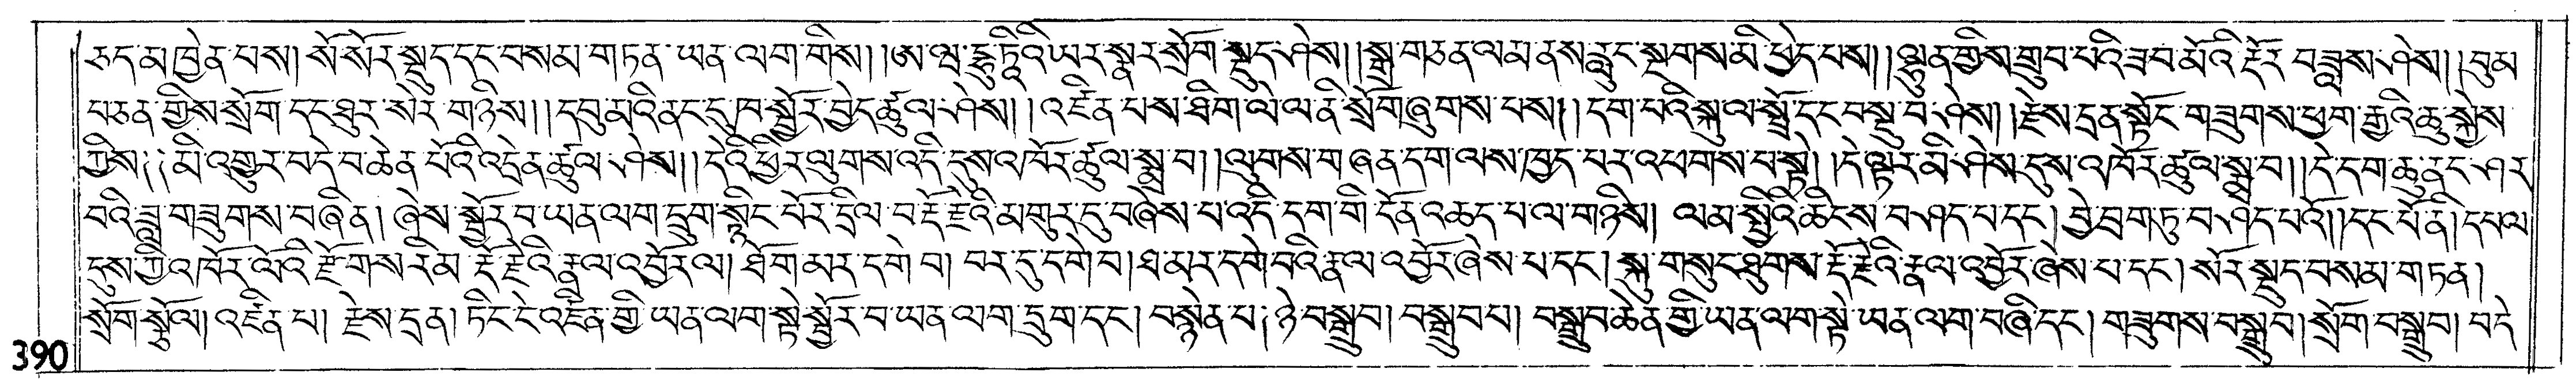ཅད་མཁྱེན་པས། སོ་སོར་སྡུད་དང་བསམ་གཏན་ཡན་ལག་གིས། །ཨ་ཝ་དྷུ་ཏཱིའི་ཡར་སྣར་སྲོག་སྡུད་ཤེས། །སྒྲ་གཅན་ལམ་ནས་རླུང་སྔགས་མི་ཕྱེད་པས། །ལྷུན་གྱིས་གྲུབ་པའི་ཟབ་མོའི་རྡོར་བཟླས་ཤེས། །བུམ་
པ་ཅན་གྱིས་སྲོག་དང་ཐུར་སེར་གཉིས། །དབུ་མའི་ནང་དུ་ཁ་སྦྱོར་བྱེད་ཚུལ་ཤེས། །འཛིན་པས་ཐིག་ལེ་ལ་ནི་སྲོག་ཞུགས་པས། །དག་པའི་སྐུ་ལ་སྤྲོ་དང་བསྡུ་བ་ཤེས། །རྗེས་དྲན་སྟོང་གཟུགས་ཕྱག་རྒྱའི་ཆུ་སྐྱེས་
ཀྱིས༑ ༑མི་འགྱུར་བདེ་བ་ཆེན་པོའི་འདྲེན་ཚུལ་ཤེས། །དེའི་ཕྱིར་ལུགས་འདི་དུས་འཁོར་ཚུལ་སྨྲ་བ། །ལུགས་གཞན་དག་ལས་ཁྱད་པར་འཕགས་པ་སྟེ། །དེ་ལྟར་མི་ཤེས་དུས་འཁོར་ཚུལ་སྨྲ་བ། །དེ་དག་ཆུ་ནང་ཤར་
བའི་ཟླ་གཟུགས་བཞིན། ཞེས་སྦྱོར་བ་ཡན་ལག་དྲུག་སྙིང་པོར་དྲིལ་བ་རྡོ་རྗེའི་མགུར་དུ་བཞེས་པ་འདི་དག་གི་དོན་འཆད་པ་ལ་གཉིས། ལམ་སྤྱིའི་ཆིངས་བཤད་པ་དང་། བྱེ་བྲག་ཏུ་བཤད་པའོ། །དང་པོ་ནི། དཔལ་
དུས་ཀྱི་འཁོར་ལོའི་རྫོགས་རིམ་རྡོ་རྗེའི་རྣལ་འབྱོར་ལ། ཐོག་མར་དགེ་བ། བར་དུ་དགེ་བ། ཐ་མར་དགེ་བའི་རྣལ་འབྱོར་ཞེས་པ་དང་། སྐུ་གསུང་ཐུགས་རྡོ་རྗེའི་རྣལ་འབྱོར་ཞེས་པ་དང་། སོར་སྡུད་བསམ་གཏན།
སྲོག་སྩོལ། འཛིན་པ། རྗེས་དྲན། ཏིང་ངེ་འཛིན་གྱི་ཡན་ལག་སྟེ་སྦྱོར་བ་ཡན་ལག་དྲུག་དང་། བསྙེན་པ༑ ཉེ་བསྒྲུབ། བསྒྲུབ་པ། བསྒྲུབ་ཆེན་གྱི་ཡན་ལག་སྟེ་ཡན་ལག་བཞི་དང་། གཟུགས་བསྒྲུབ། སྲོག་བསྒྲུབ། བདེ་